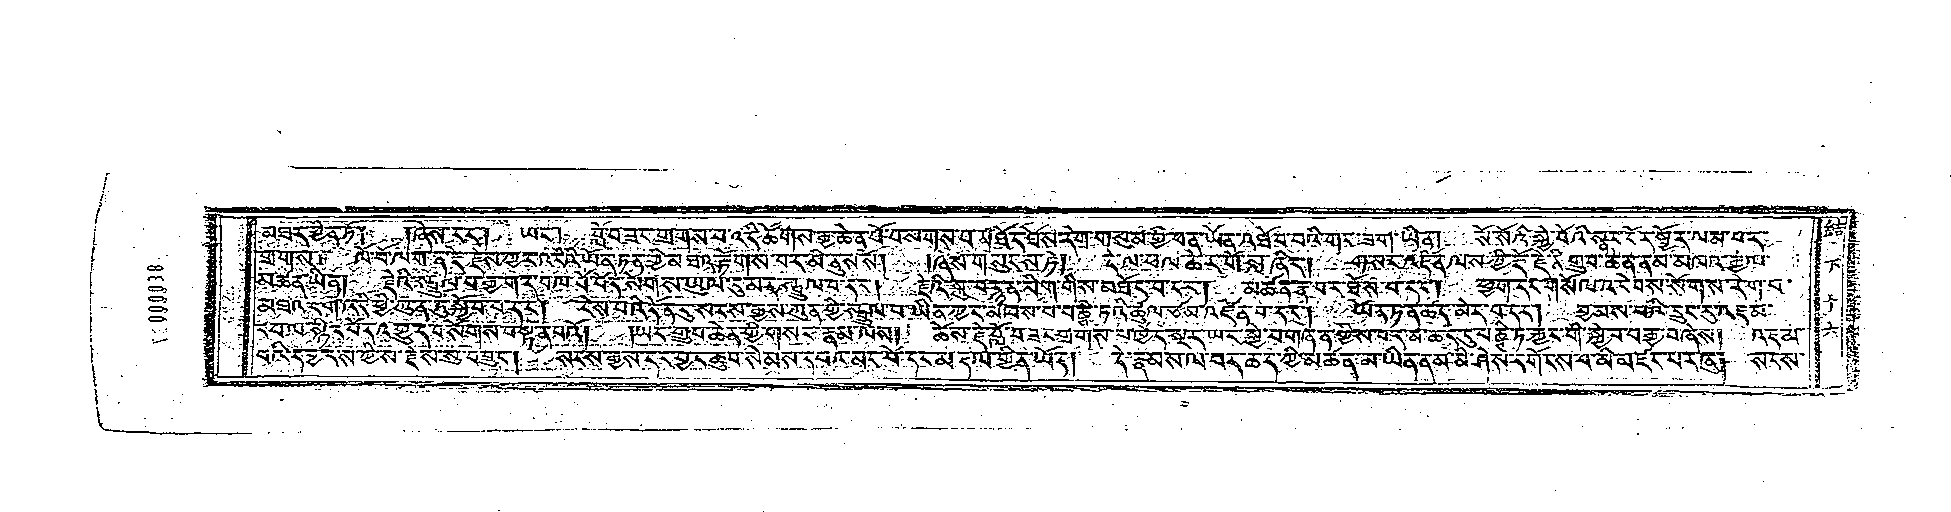མཐར་ཕྱིན་ཏོ༑ །ཞེས་དང་། ཡང་། བློ་བཟང་གྲགས་པ་འདི་ཚོགས་རྒྱ་ཆེན་པོ་བསགས་པ་མཐོང་ཐོས་རེག་གསུམ་གྱི་ཕན་ཡོན་འཐོབ་པའི་གང་ཟག་ཡིན། སོ་སོའི་སྐྱེ་བོའི་སྣང་ངོར་སྦྱོར་ལམ་པར་
གྲགས༑ ཁོ་བོ་ལག་ན་རྡོ་རྗེས་ཀྱང་འདིའི་ཡོན་ཏན་གྱི་མཐའ་རྟོགས་པར་མི་ནུས་སོ། །ཞེས་གསུངས་ཏེ། དེ་ལ་ཕལ་ཆེར་གོ་སླ་ཞིང་། གསང་འཛིན་ལས་ཀྱི་རྡོ་རྗེ་ནི་གྲུབ་ཆེན་ནམ་མཁའ་རྒྱལ་
མཚན་ཡིན། རྗེའི་སྤྲུལ་པ་རྒྱ་གར་བལ་པོ་བོད་སོགས་ཡུལ་དུ་མར་སྤྲུལ་པ་དང་། རྗེའི་སྐུ་བརྙན་མིག་གིས་མཐོང་བ་དང་། མཚན་རྣ་བར་ཐོས་པ་དང་། ཕྱག་དང་གསོལ་འདེབས་སོགས་རེག་པ་
མཐའ་དག་འདི་ཕྱི་ཀུན་ཏུ་སྐྱོབ་པ་དང་། ངེས་པའི་དོན་དུ་སངས་རྒྱས་ཀུན་གྱི་སྤྲུལ་པ་ཡིན་ཀྱང་མཁས་པ་པཎྜི་ཏའི་ཚུལ་ཙམ་འཛིན་པ་དང་། ཡོན་ཏན་ཚད་མེད་པ་དང་། བྱམས་པའི་དྲུང་དུ་འཇམ་
དཔལ་སྙིང་པོར་འགྱུར་བ་སོགས་བསྟན་པའོ། །ཡང་གྲུབ་ཆེན་གྱི་གསང་རྣམ་ལས། ཆོས་རྗེ་བློ་བཟང་གྲགས་པ་ཁྱོད་སྔར་ཡངས་སྐྱེ་བ་གཞན་གྱིས་བར་མ་ཆད་དུ་པཎྜི་ཏ་རྐྱང་གི་སྐྱེ་བ་བརྒྱ་བཞེས། འཇམ་
བའི་དབྱངས་ཀྱིས་རྗེས་སུ་བཟུང་། སངས་རྒྱས་དང་བྱང་ཆུབ་སེམས་དཔའ་མང་པོ་དང་མཇལ་གྱིན་ཡོད། དེ་རྣམས་ལ་བར་ཆད་ཀྱི་མཚན་མ་ཡིན་ནམ་མི་ཤེས་དགོངས་པ་མི་མཛད་པར་ཞུ། སངས་